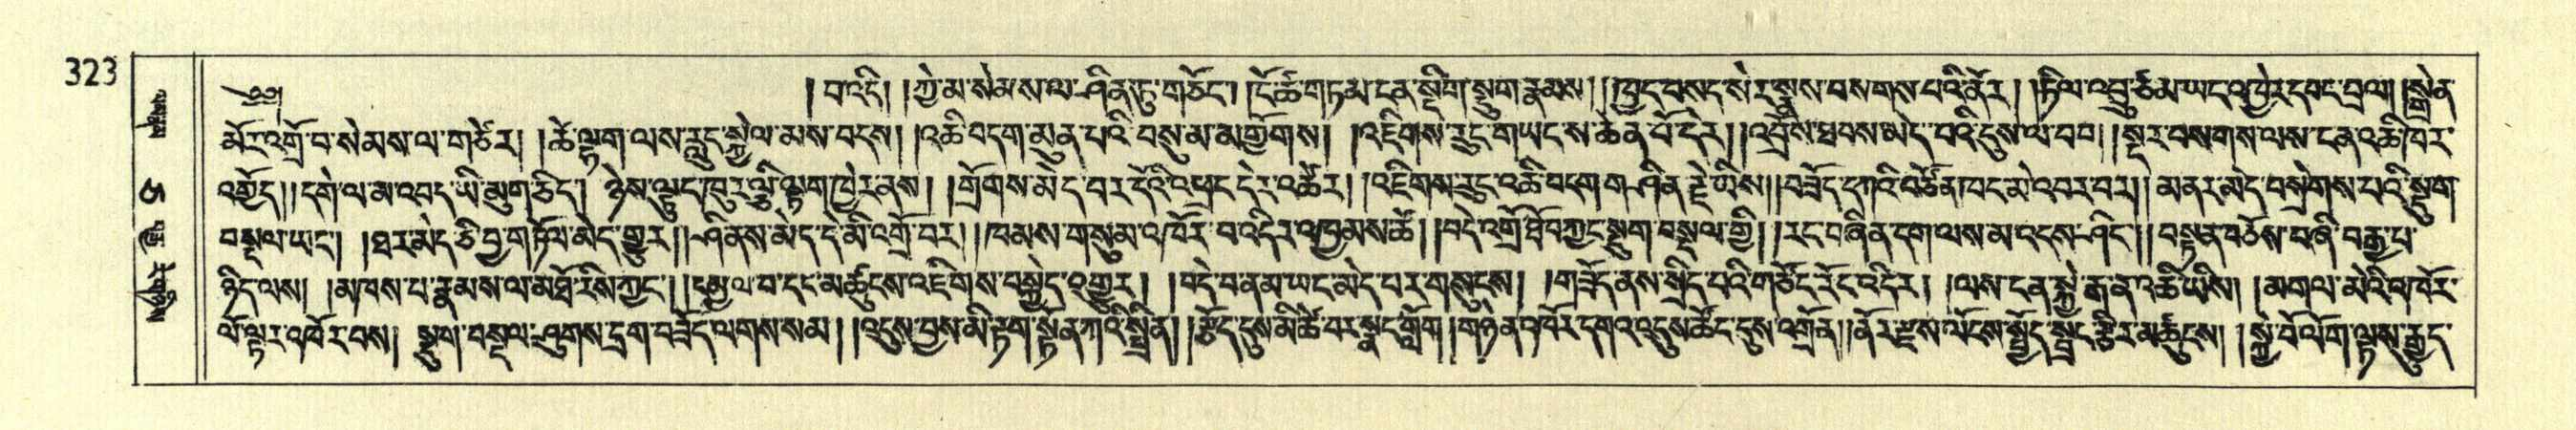༄༅། །བ་འདི། །ཀྱེ་མ་སེམས་ལ་ཤིན་ཏུ་གཅོང་། །ངོ་ཚ་གཏམ་ངན་སྡིག་སྡུག་རྣམས། །ཁྱད་བསད་སེར་སྣས་བསགས་པའི་ནོར། །ཏིལ་འབྲུ་ཙམ་ཡང་འཁྱེར་དབང་བྲལ། །སྒྲེན་
མོར་འགྲོ་བ་སེམས་ལ་གཙེར། །ཚེ་ལྷག་ལས་རླུང་སྐྱེལ་མས་བདས། །འཆི་བདག་མུན་པའི་བསུ་མ་མགྱོགས། །འཇིགས་རུང་གཡང་ས་ཆེན་པོ་དེར། །འབྲོས་ཐབས་མེད་པའི་དུས་ལ་བབ། །སྔར་བསགས་ལས་ངན་འཆི་ཁར་
འགྱོད། །དགེ་ལ་མ་འབད་ཡི་མུག་ཅིང་། ཉེས་ལྟུང་ཁུར་ལྕི་ལྟག་ཁྱེར་ནས། །གྲོགས་མེད་བར་དོའི་འཕྲང་དེར་འཚེར། །འཇིགས་རུང་འཆི་བདག་གཤིན་རྗེ་ཡིས། །བཟོད་དཀའི་བཙོན་ཁང་མེ་འབར་བར། །མནར་མེད་བསྲེགས་པའི་སྡུག་
བསྔལ་ཡང་། །ཐར་མེད་ཅི་བྱ་གཏོལ་མེད་གྱུར། །ཤི་ནས་མེད་དེ་མི་འགྲོ་བར། །ཁམས་གསུམ་འཁོར་བ་འདིར་འཁྱམས་ཚེ། །བདེ་འགྲོ་ཐོབ་ཀྱང་སྡུག་བསྔལ་གྱི། །རང་བཞིན་དག་ལས་མ་འདས་ཤིང་། །བསྟན་བཅོས་བཞི་བརྒྱ་པ་
ཉིད་ལས། །མཁས་པ་རྣམས་ལ་མཐོ་རིས་ཀྱང་། །དམྱལ་བ་དང་མཚུངས་འཇིགས་བསྐྱེད་འགྱུར། །བདེ་བ་ནམ་ཡང་མེད་པར་གསུངས། །གཟོད་ནས་སྲིད་པའི་གཙོང་རོང་འདིར། །ལས་ངན་སྐྱེ་རྒ་ན་འཆི་ཡིས། །མགལ་མེའི་འཁོར་
ལོ་ལྟར་འཁོར་བས། སྡུག་བསྔལ་ཤུགས་དྲག་བཟོད་ལགས་སམ། །འདུས་བྱས་མི་རྟག་སྟོན་ཀའི་སྤྲིན། །རྩོད་དུས་མི་ཚེ་བར་སྣང་གློག །གཉེན་འཁོར་དགའ་འདུས་ཚོང་དུས་འགྲོན། །ནོར་རྫས་ལོངས་སྤྱོད་སྦྲང་རྩིར་མཚུངས། །སྐྱེ་བོ་ལོག་ལྟས་རྒྱུད་